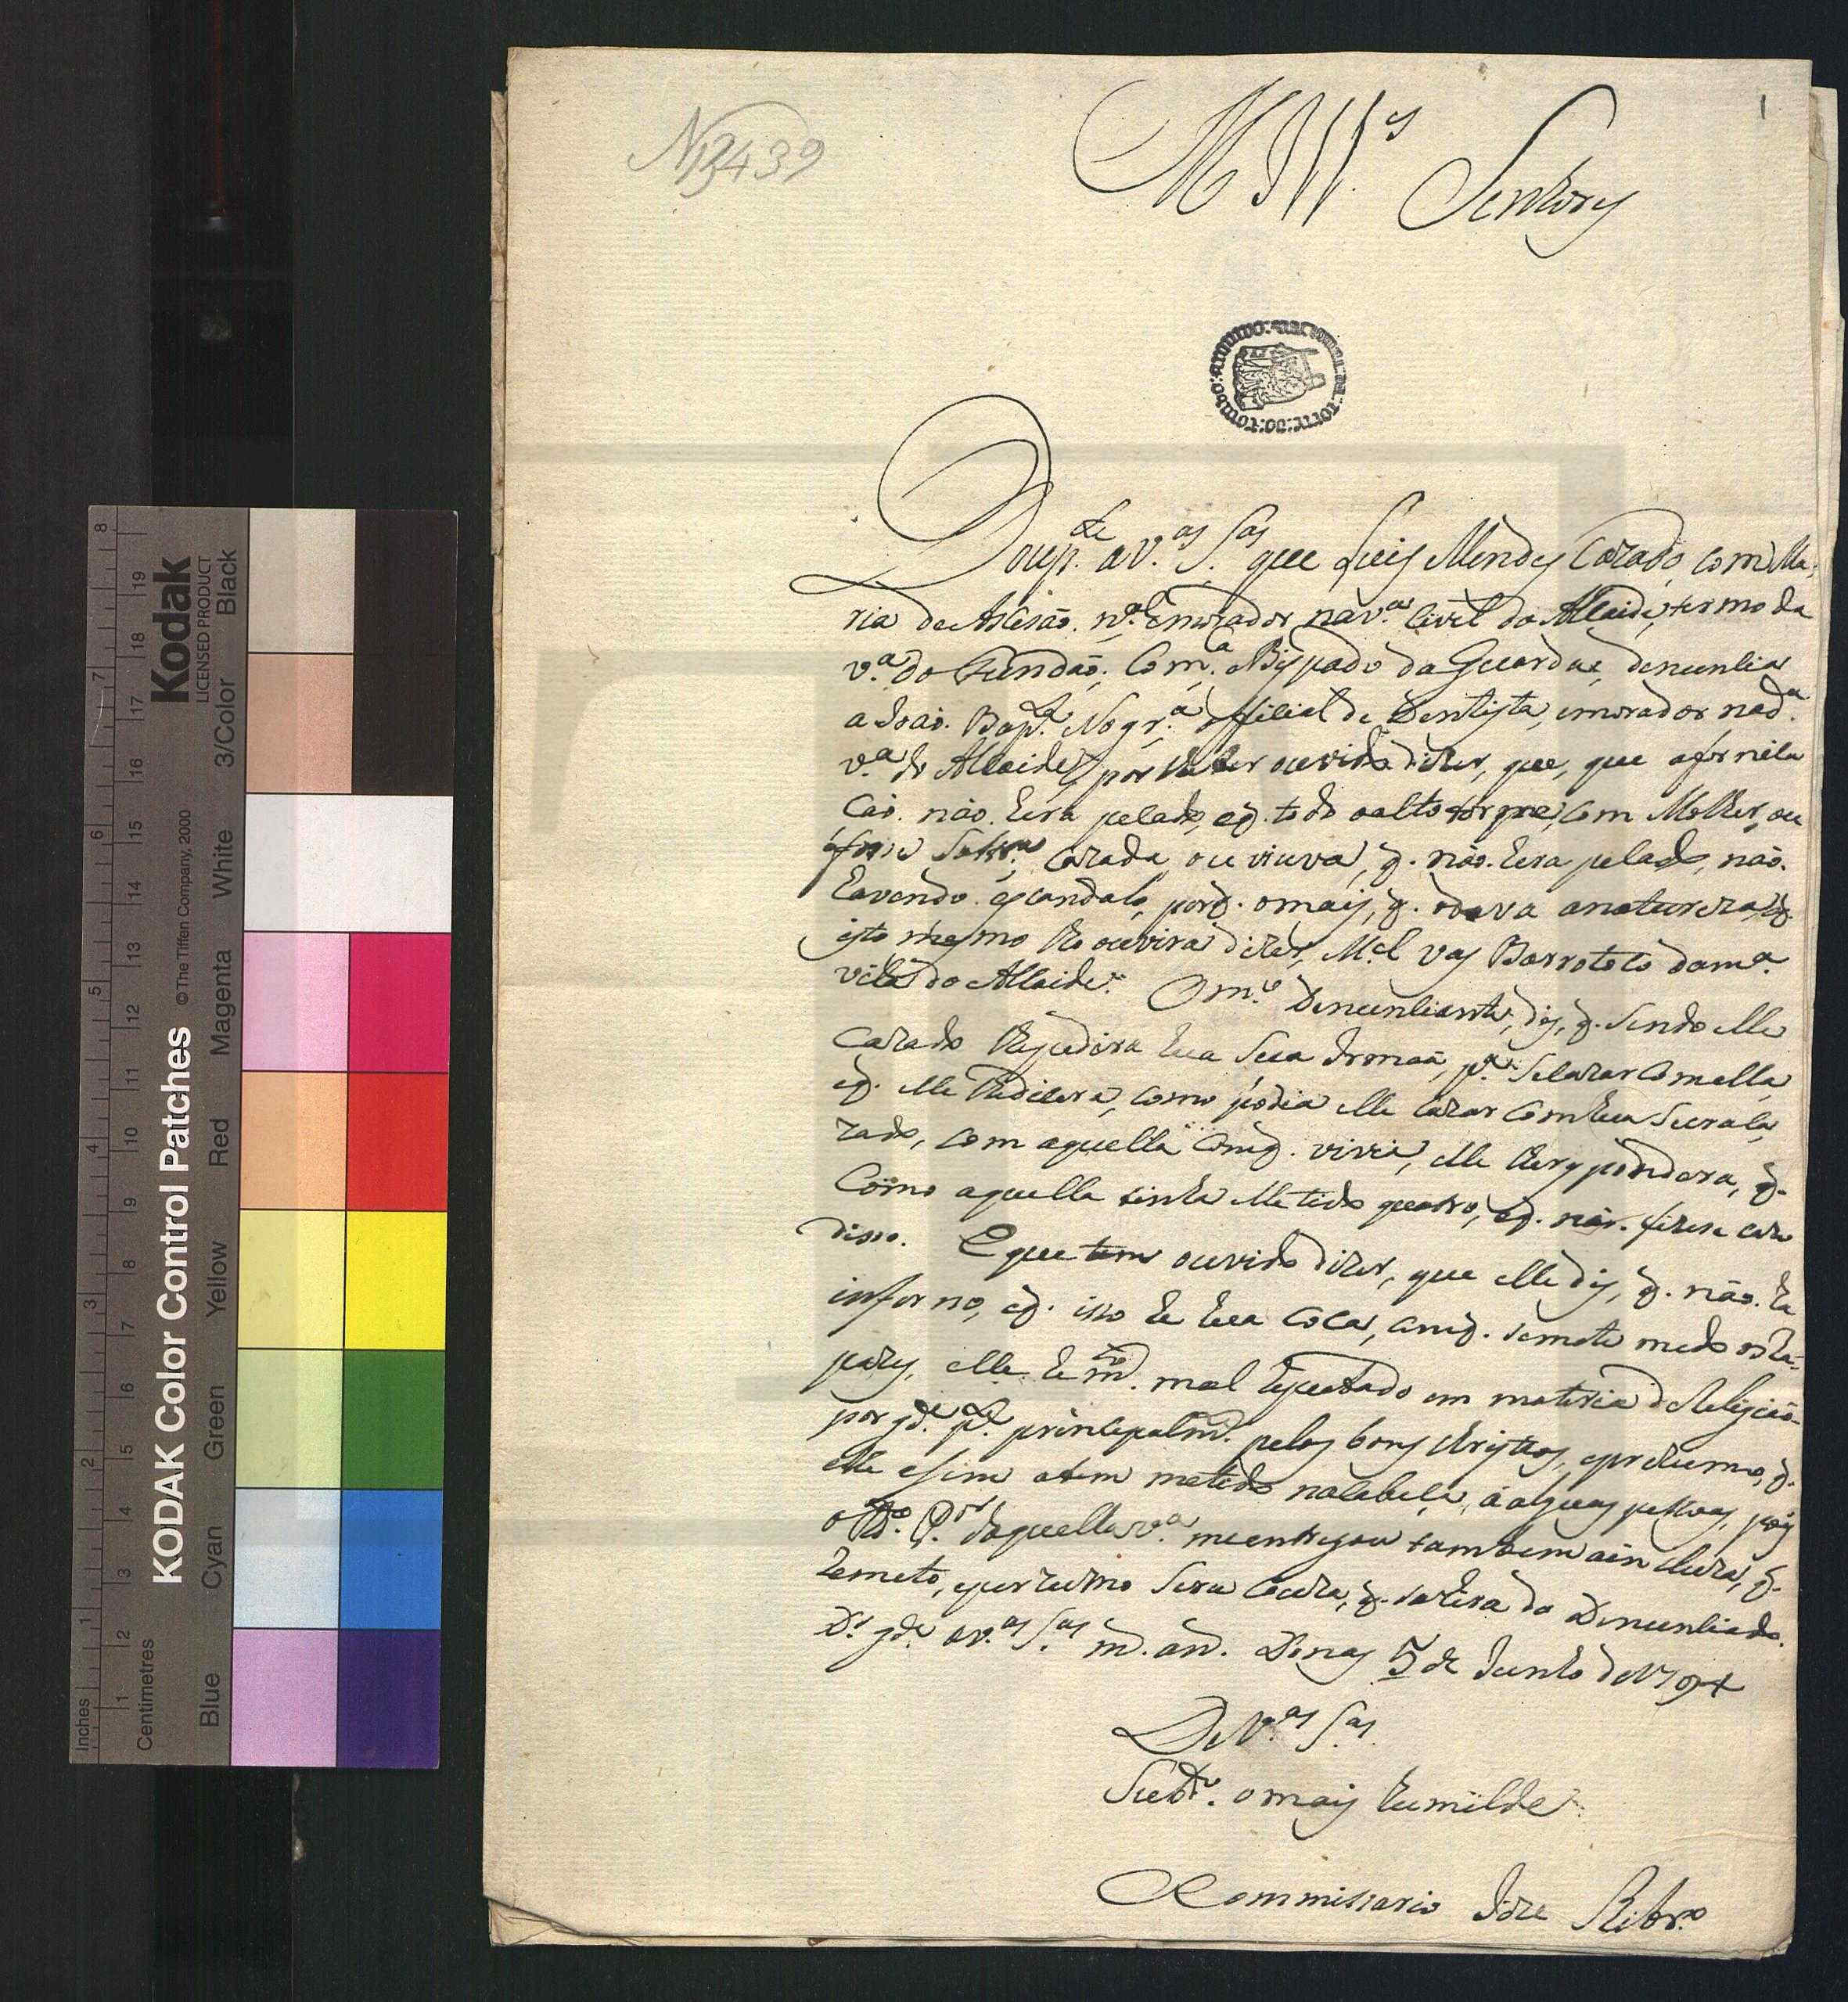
M Ill.es Senhores
Dou p.te a V.as S.as que Luis Mendes cazado com Ma
ria de Ascesaõ. n.al e morador na v.a civel do Alcaide, termo da
v.a do Fundaõ; Com.ca e Bispado da Guarda, denuncia
a Ioaõ. Bap.ta Nogr.a official de Dentista, e morador na d.a
v.a do Alcaide por lhe ter ouvido dizer, que, que a fornica
çaõ naõ hera pecado, e q̄ todo o aCto torpe, com Molher, ou
o fosse Soltr.a, cazada, ou viuva, q̄ naõ hera peCado, naõ.
havendo. escandalo, porq̄. o mais, q̄ o dava a natureza, q̄
isto mesmo lhe ouvira dizer, M.el vas Barrotoco da m.a
vila do AlCaide. O m.o Denunciante, dis, q̄ sendo elle
cazado lhe pedira hua Sua Irmaã, p.a se cazar com ella,
e q̄ elle lhe dicera, como podia elle cazar com hua se era ca
zado, com aquella com q̄ vivia, elle lhe respondera, q̄
Como aquella tinha elle tido quatro, e q̄. naõ fizese cazo
disso. E que tem ouvido dizer, que elle dis, q̄. não ha
inferno, e q̄. isto he hua Coca, com q̄ se mete medo os Ra
pazes, elle he m.to mal Reputado em materia de Religiaõ
por gd.e p.te principalm.te pelos bons christaos, e prezumo, q̄
elle asim a tem metido na cabeça, á alguas pessoas, pois
o Rd.o P.or daquella V.a me entregou tambem a incluza, q̄
Remeto, e perzumo sera Couza, q̄ sahira do Denunciado.
D.s g.de a v.as S.as m̄. an̄. Donas 5 de Iunho de 1794
De V.as S.as
Sub̄.o o mais humilde
O Commissario Ioze Ribr.o
